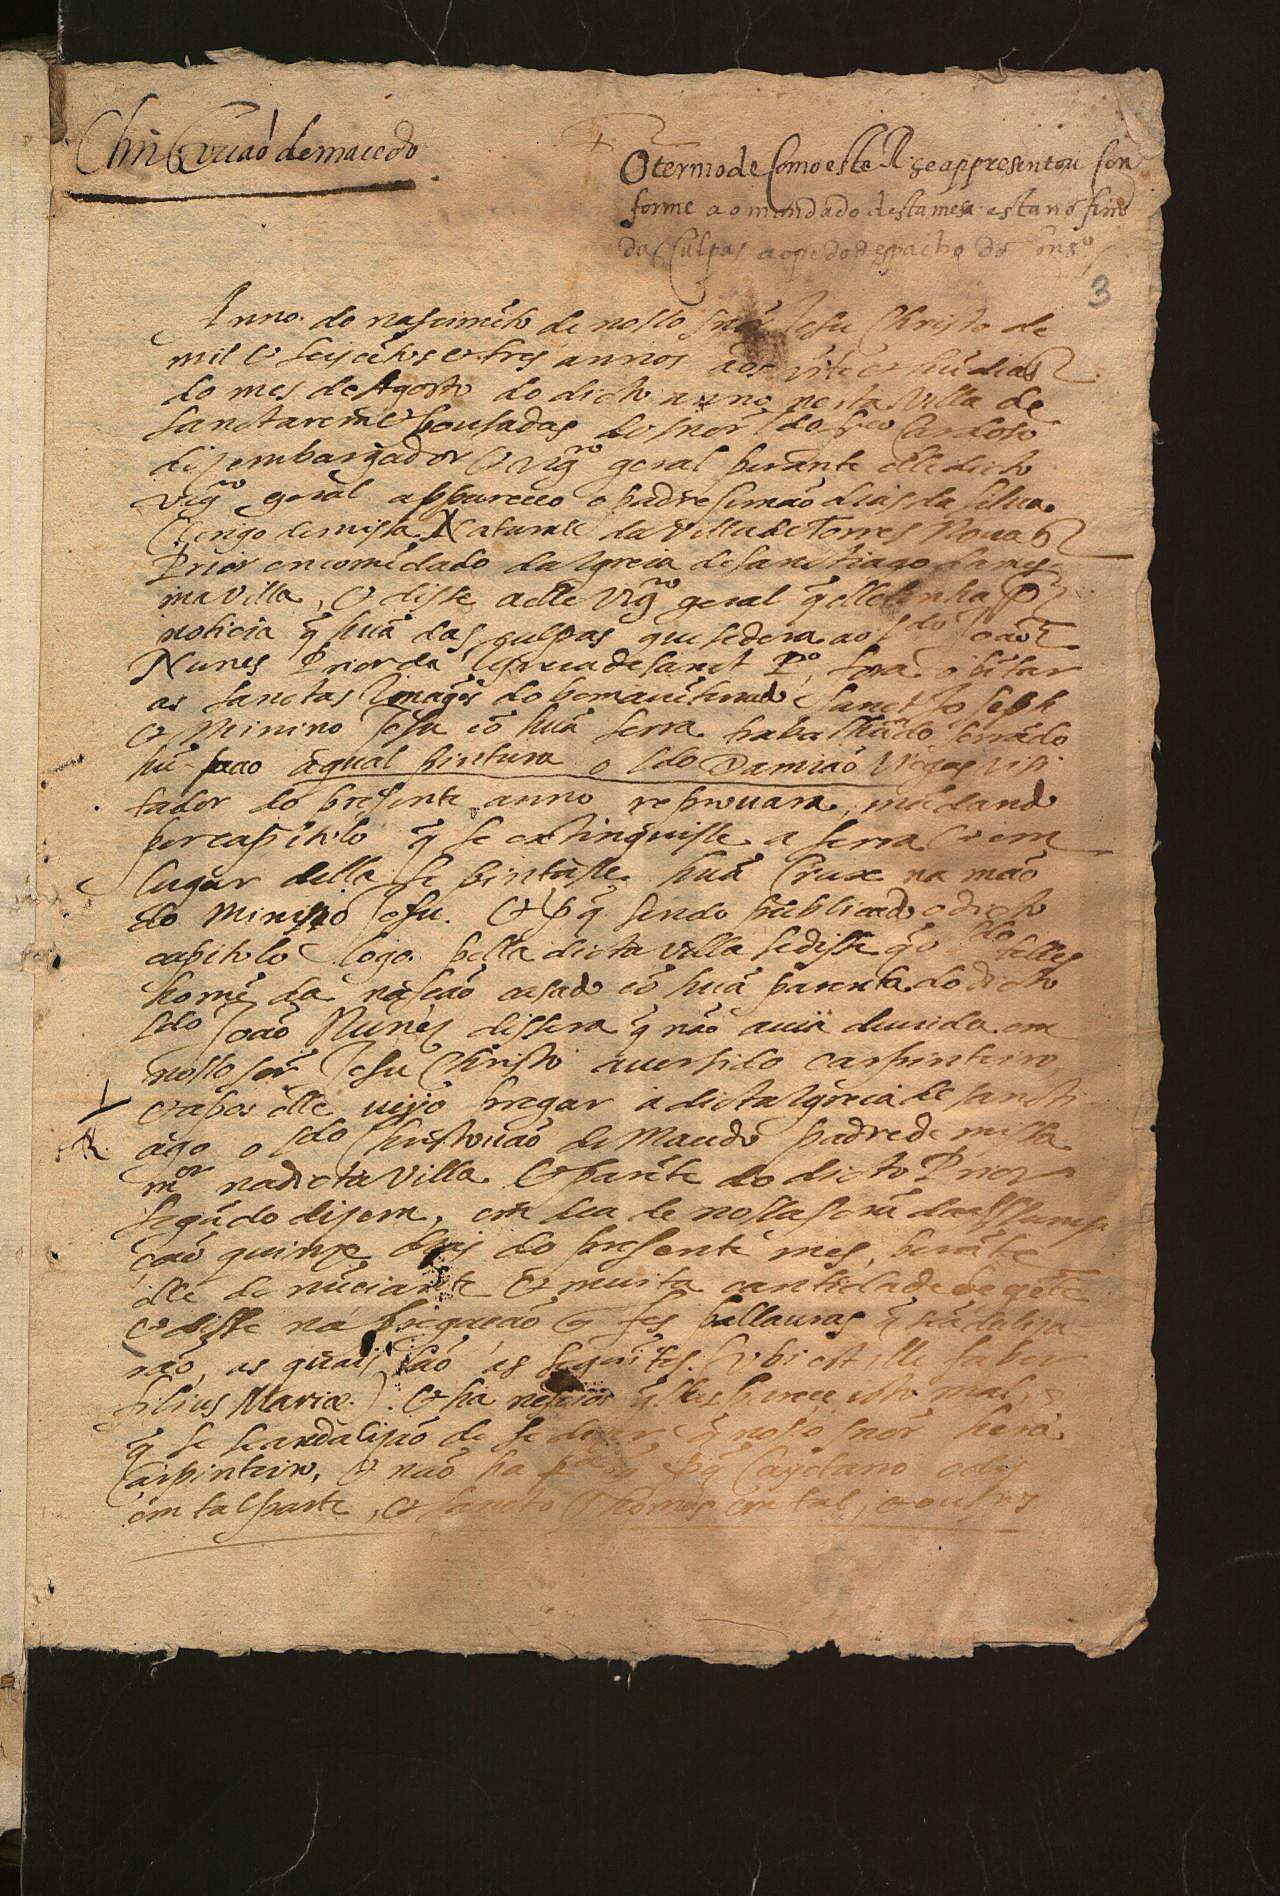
Christouaõ de macedo
O termo de Como este R. se appresentou Con
forme ao mandado desta mesa esta no fim
das Culpas ao pe do despacho do Conso
Anno do nascimēto de nosso snor̄ Jesu Christo de
mil e seiscētos e tres annos aos vīte e hū dias
do mes de Agosto do dicto anno nesta villa de
sanctarem e pousadas do snor̄ ldo frco Cardoso
dezembargador e vigro geral perante elle dicto
Vigro geral appareceo o padre simaõ dias da silua
Clerigo de missa Natural da villa de Torres nouas
Prior encomēdado da Igreia de sanctiago da mes
ma villa, e disse a elle Vigro geral q̄ elle tinha p̄
noticia q̄ huā das culpas que se dera ao Ldo Joaõ
Nunes Prior da Igreia de sanct Po, fora o bētar
as sanctas Imagēs do bem auēturado Sanct Joseph
& Minino Jesu cō huā serra trabalhādo serrādo
hū pao a qual pintura o ldo Damiaõ Viegas visi
tador do presente anno reprouara, mādando
por capitolo q̄ se extinguisse a serra & em
lugar della se pintasse huā Crux na maõ
do minino Jesu & p̄ q̄ sendo publicado o dicto
capitolo logo pella dicta villa se disse q̄ o ldo telles
homē da nasçaõ casado cō huā parenta do dicto
ldo Joaõ Nunes dissera q̄ não auia duuida em
nosso sor̄ Jesu Christo auer sido carpinteiro
& apos elle ueyo pregar a dicta Igreia de sancti
ago o ldo Christouaõ de macedo padre de missa
o R.
mor na dicta villa & parēte do dicto Prior
segūdo dizem, em dia de nossa sorā da assump
çaõ quinze dias do presente mes, perāte
elle denuciante & muita cantidade de gēte
& disse na pregaçaõ q̄ fes pallauras q̄ scādaliza
raõ, as quais saõ as seguītes. (vbi est ille faber
filius Mariæ.). & ha nescios q̄ lhes parece esta mal,
q̄ scandalizaõ de se dizer q̄ noso snor̄ hera
Carpinteiro, & naõ ha ꝑa q̄ ꝓq̄ Cayetano o dis
em tal parte, & Sancto Thomas em tal, & outros
